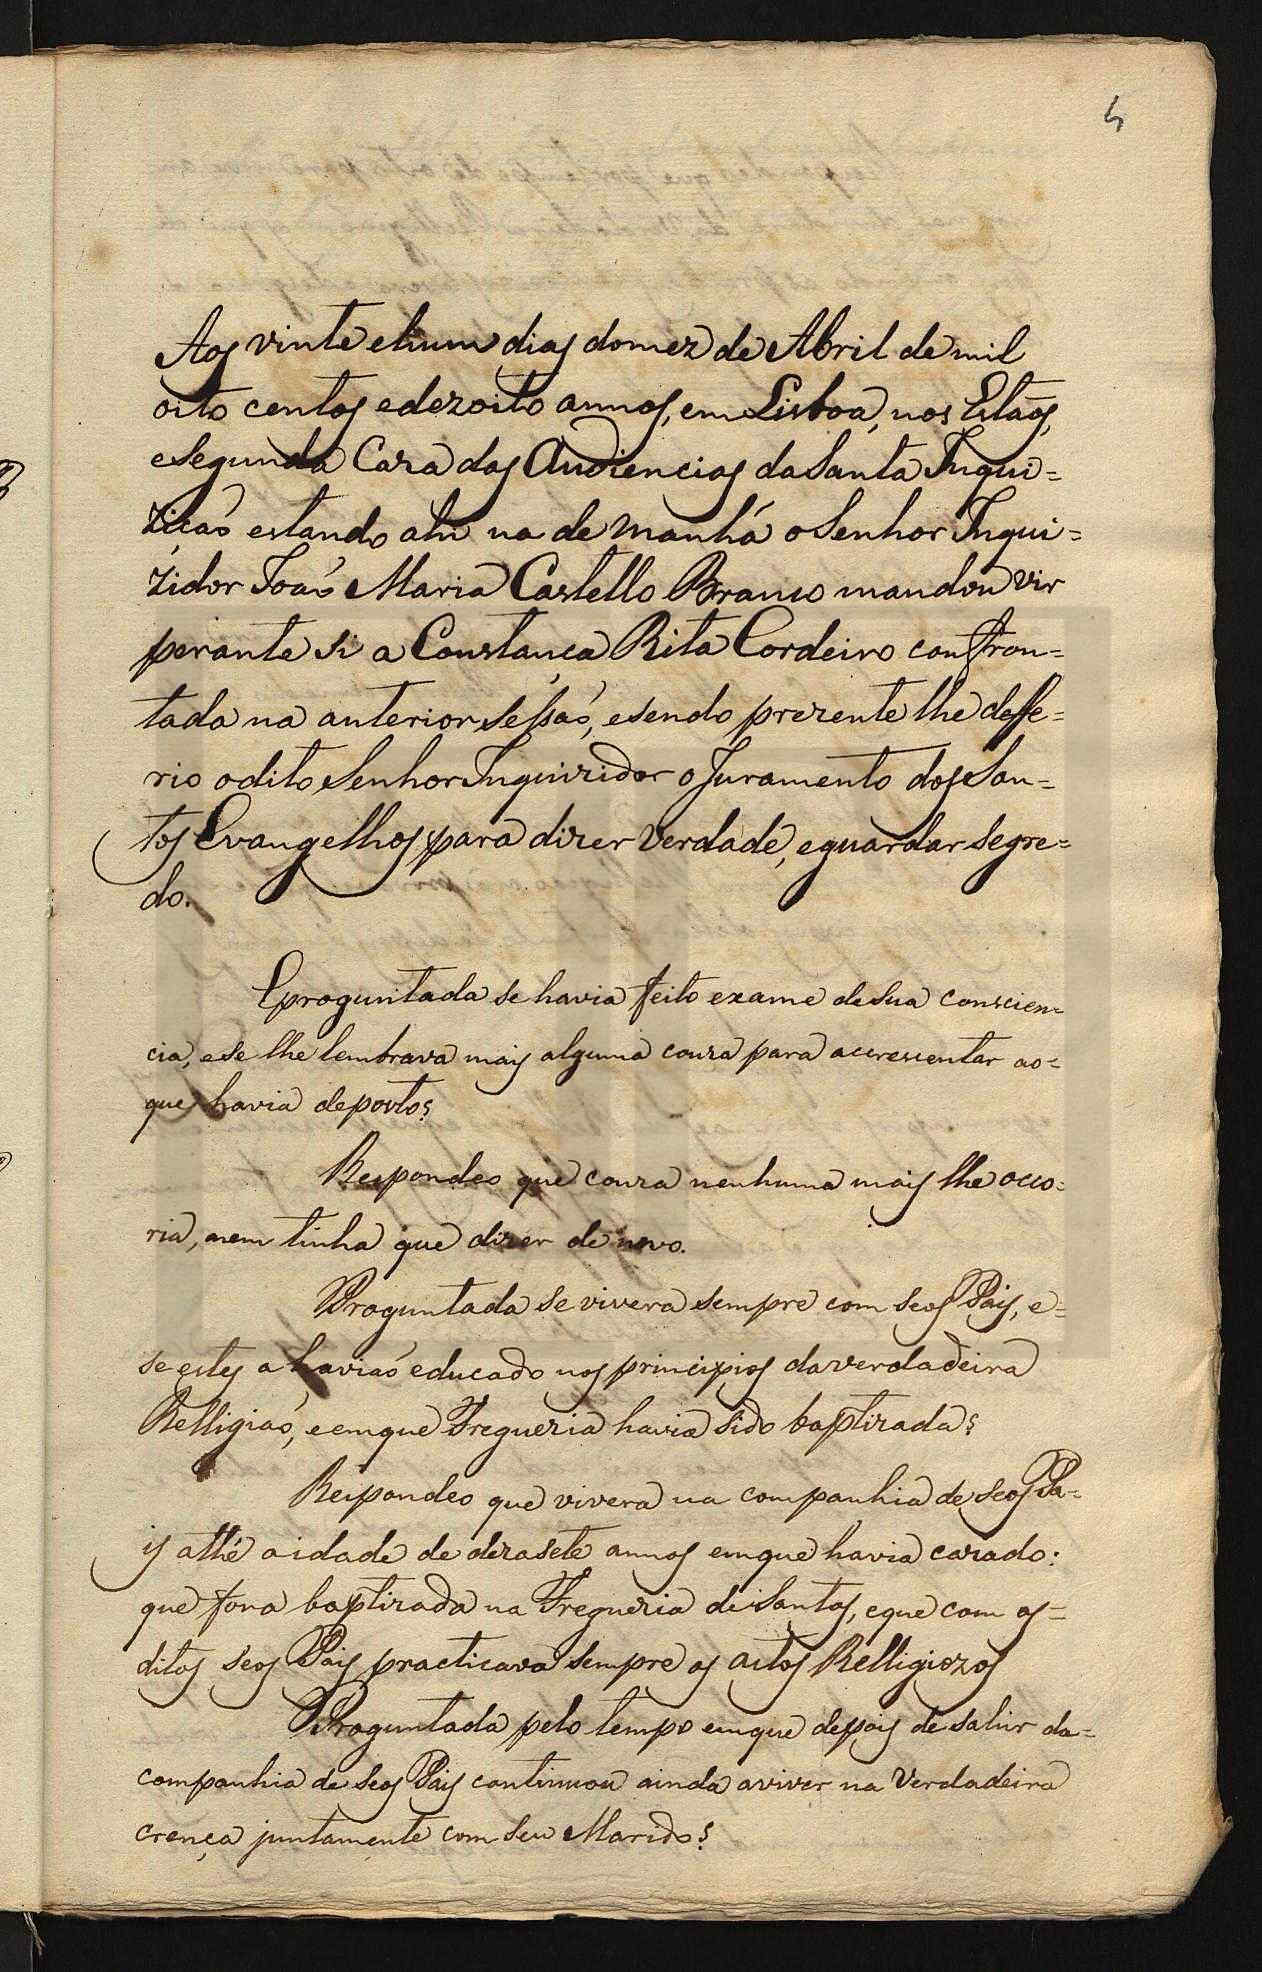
Aos vinte e hum dias do mez de Abril de mil
oitocentos e dezoito annos, em Lisboa, nos Estáos,
e segunda Caza das audiencias da Santa Inqui
ziçaõ estando ahi na de manhã o Senhor Inqui
zidor Ioaõ Maria Castello Branco mandou vir
perante si a Constança Rita Cordeiro confron
tada na anterior sessaõ, e sendo prezente lhe deffe
rio o dito Senhor Inquizidor o Juramento dos San
tos Evangelhos para dizer verdade, e guardar segre
do.
E proguntada se havia feito exame de sua conscien
cia, e se lhe lembrava mais alguma couza para accrescentar ao
que havia deposto?
Respondeo que couza nenhuma mais lhe occo
ria, nem tinha que dizer de novo.
Proguntado se vivera sempre com seos Pais, e
se estes a haviaõ educado nos principios da verdadeira
Relligiaõ, e em que Freguezia havia sido baptizada?
Respondeo que vivera na companhia de seos Pa
is athé a idade de dezasete annos em que havia cazado:
que fora baptizada na Freguezia de Santos, e que com os
ditos seos Pais practicava sempre os actos Relligiozos
Proguntado pelo tempo em que depois de sahir da
companhia de seos Pais continuou ainda a viver na Verdadeira
crença juntamente com seu Marido?
